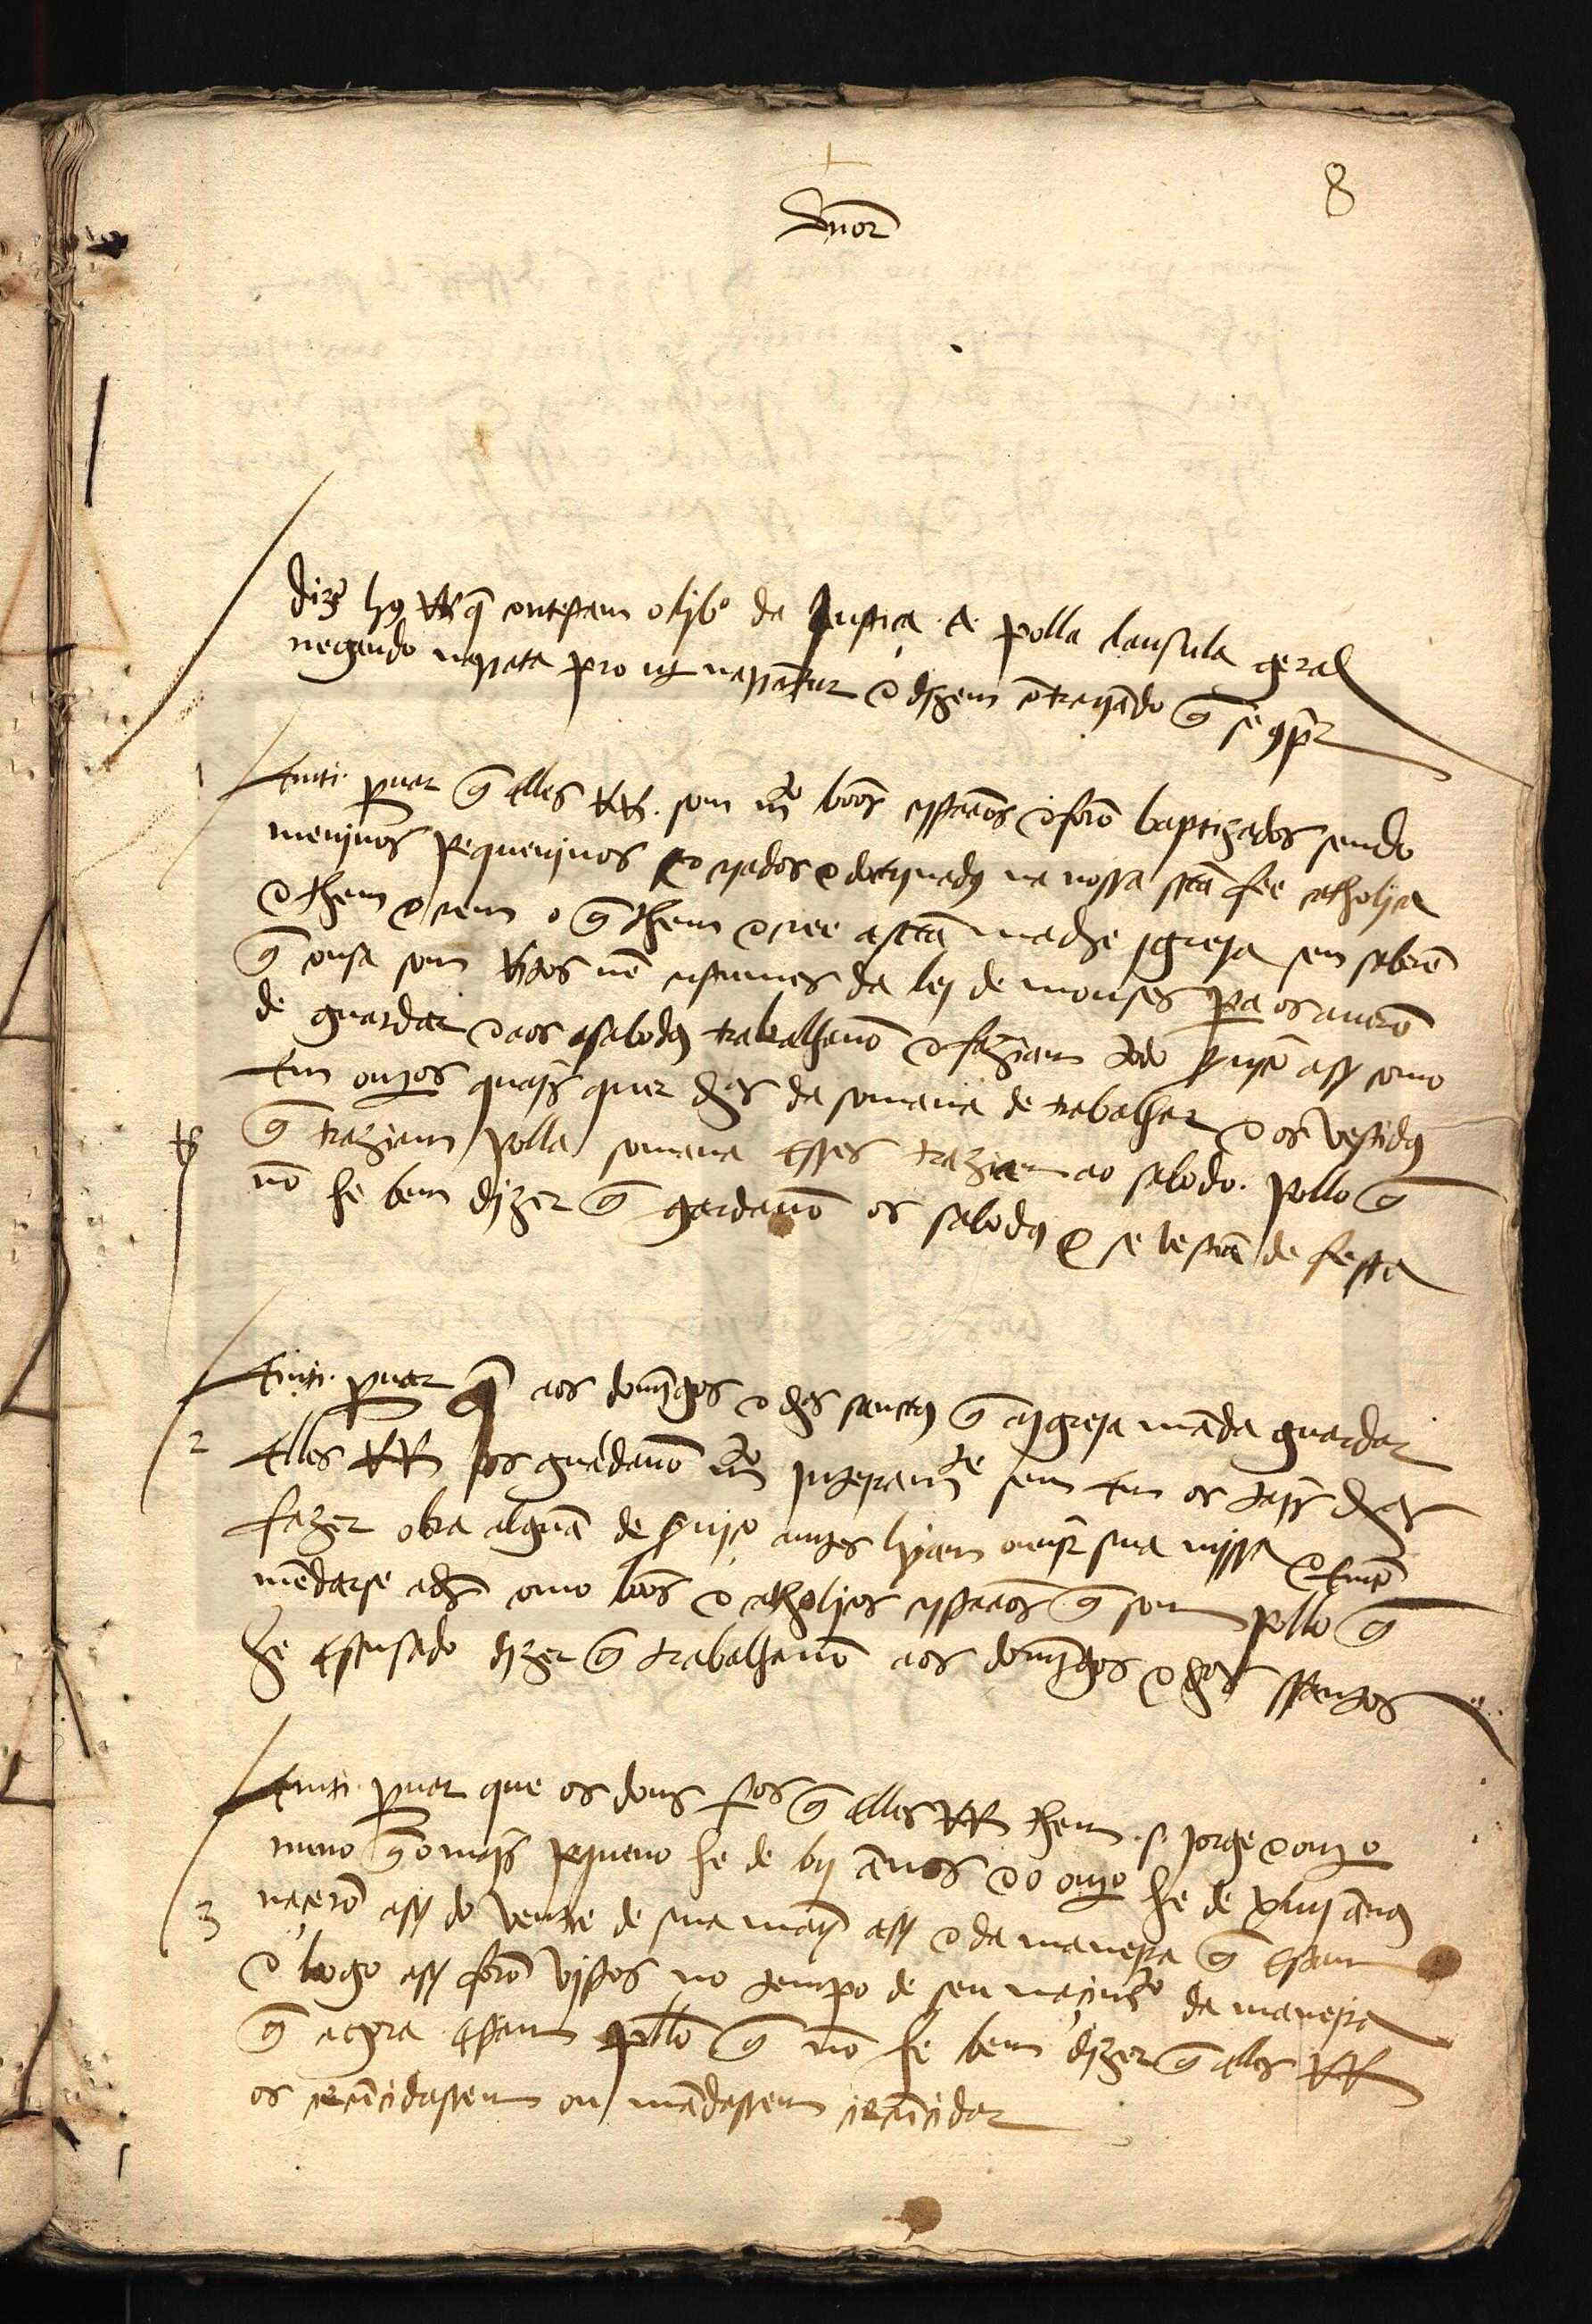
Sn̄or
dizē hꝯ RR q̄ contestam o ljbo da Justiça .A. polla clausula geral
negando narrata pro ut narrātur e djzem c̄otrarjādo q̄ se ꝯp̄r
Emti. ꝓuar q̄ elles RR. som mto bōos crjstaãos e forō baptizados sendo
menjnos pequenjnos e crjados e doctrjnadꝯ na nossa sct̄a fee catholjca
e them e crem o q̄ them e cree a sct̄a madre jgreja sem saberē
q̄ cousa som Ritos n̄e custumes da lej de mouses ꝑa os auer̄e
de guardar e aos _sabodꝯ trabalhaūo e faziam todo ꞩujcō asy como
Em outos quajsquer djas da somana de trabalhar e os vestidꝯ
q̄ traziam polla somana Esses traziam ao sabodo. pollo q̄
n̄o he bem djzer q̄ gardaūo os sabodꝯ e se vestiā de festa
Emti. ꝓuar q̄ aos dom̄jgos e djas sanctꝯ q̄ a jgreja māda guardar
Elles RR os guardaūo mto jntejramte sem Em os tajs djas
fazer obra algūa de ꞩujço amtes hyam ouujr sua mjssa e Emc̄o
mēdarse a ds̄ como bōos e catholjcos crjstaãos q̄ som pollo q̄
he Escusado djzer q̄ trabalhauō aos dom̄jgos e djas ssantos
Emti. ꝓuar que os dous fos q̄ Elles RR them .s. Jorge e outo
nuno q̄ o majs pequeno he de bij ānos e o outo he de xiiij ānꝯ
naçerō asy do ventre de sua mãy asy e da manejra q̄ Estam
e logo asy for̄o vjstos no tempo de seu naçimto da menejra
q̄ agora Estam p̄llo q̄ n̄o he bem djzer q̄ Elles RR
os circūcidassem ou mādassem circ̄ucidar
